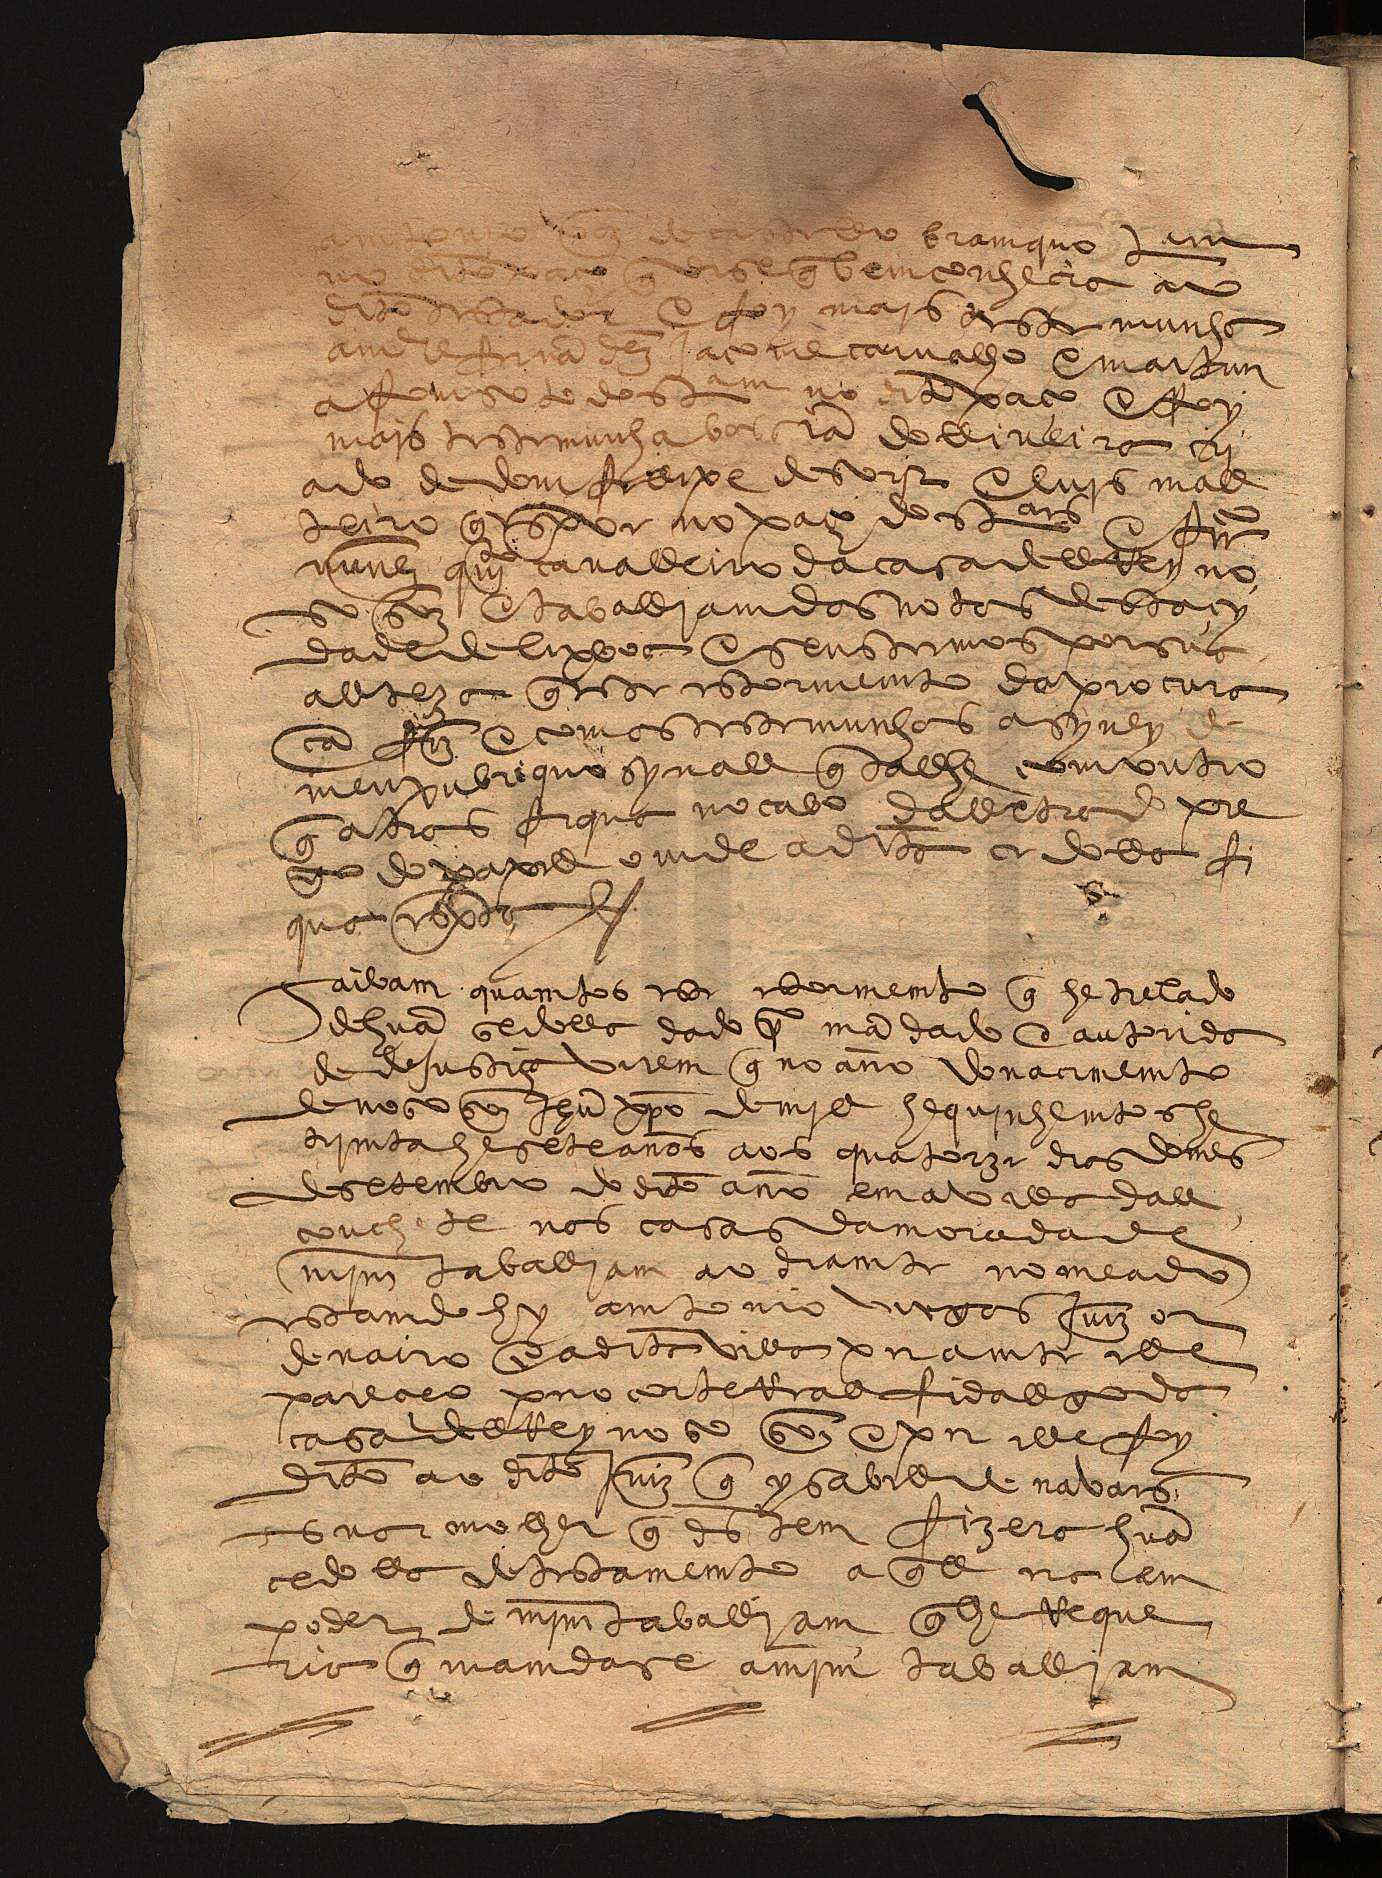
amtonjo vāz de castello bramquo tam
no dito paço q̄ dise q̄ bem conheçia ao
dito testador e foy majs testemunha
amdre fernādez Jacome carualho e martim
afomso todos tam no dito paço e foy
majs testemunha bastiā dolliueira crj
ado de dom fellipe de sorja e lujs mall
teiro q̄ esp̄ve no paço dos taes e frrco
nunez qujto caualleiro da casa dell Rey no
so s̄or e taballjam das notas desta çy
dade de lixboa e seus termos por sua
allteza q̄ este estormemto da procura
cā fiz e com as testemunhas asyney de
meu pubriquo synall q̄ tall he com outro
q̄ atras fiqua no cabo da lletra do pre
go do papell omde a dita cedolla fi
qua esp̄ta
Saibam quamtos este estormemto q̄ he trelado
de huā sedolla dado p̄o mādado e autorida
de de Justiça virem q̄ no āno do nacimemto
de nosso s̄or Jhū xp̄o de mjll he qujnhemtos he
trjmta he sete an̄os aos quatorze dias do mes
de setembro do dito an̄o em a villa dall
couchete nas casas da morada de
mjm taballjam ao diamte nomeado
estamdo hy amtonio viegas Juiz or
denairo ē a dita villa peramte elle
pareçeo pero corte Reall fidalgo da
casa dell Rey noso s̄or e per elle foy
dito ao dito Juiz q̄ ysabell de navaes
sua molher q̄ d̄s tem fizera huā
cedolla de testamemto a q̄ll era em
poder de mjm taballjam q̄ lhe Reque
ria q̄ mamdase a mjm taballiam
